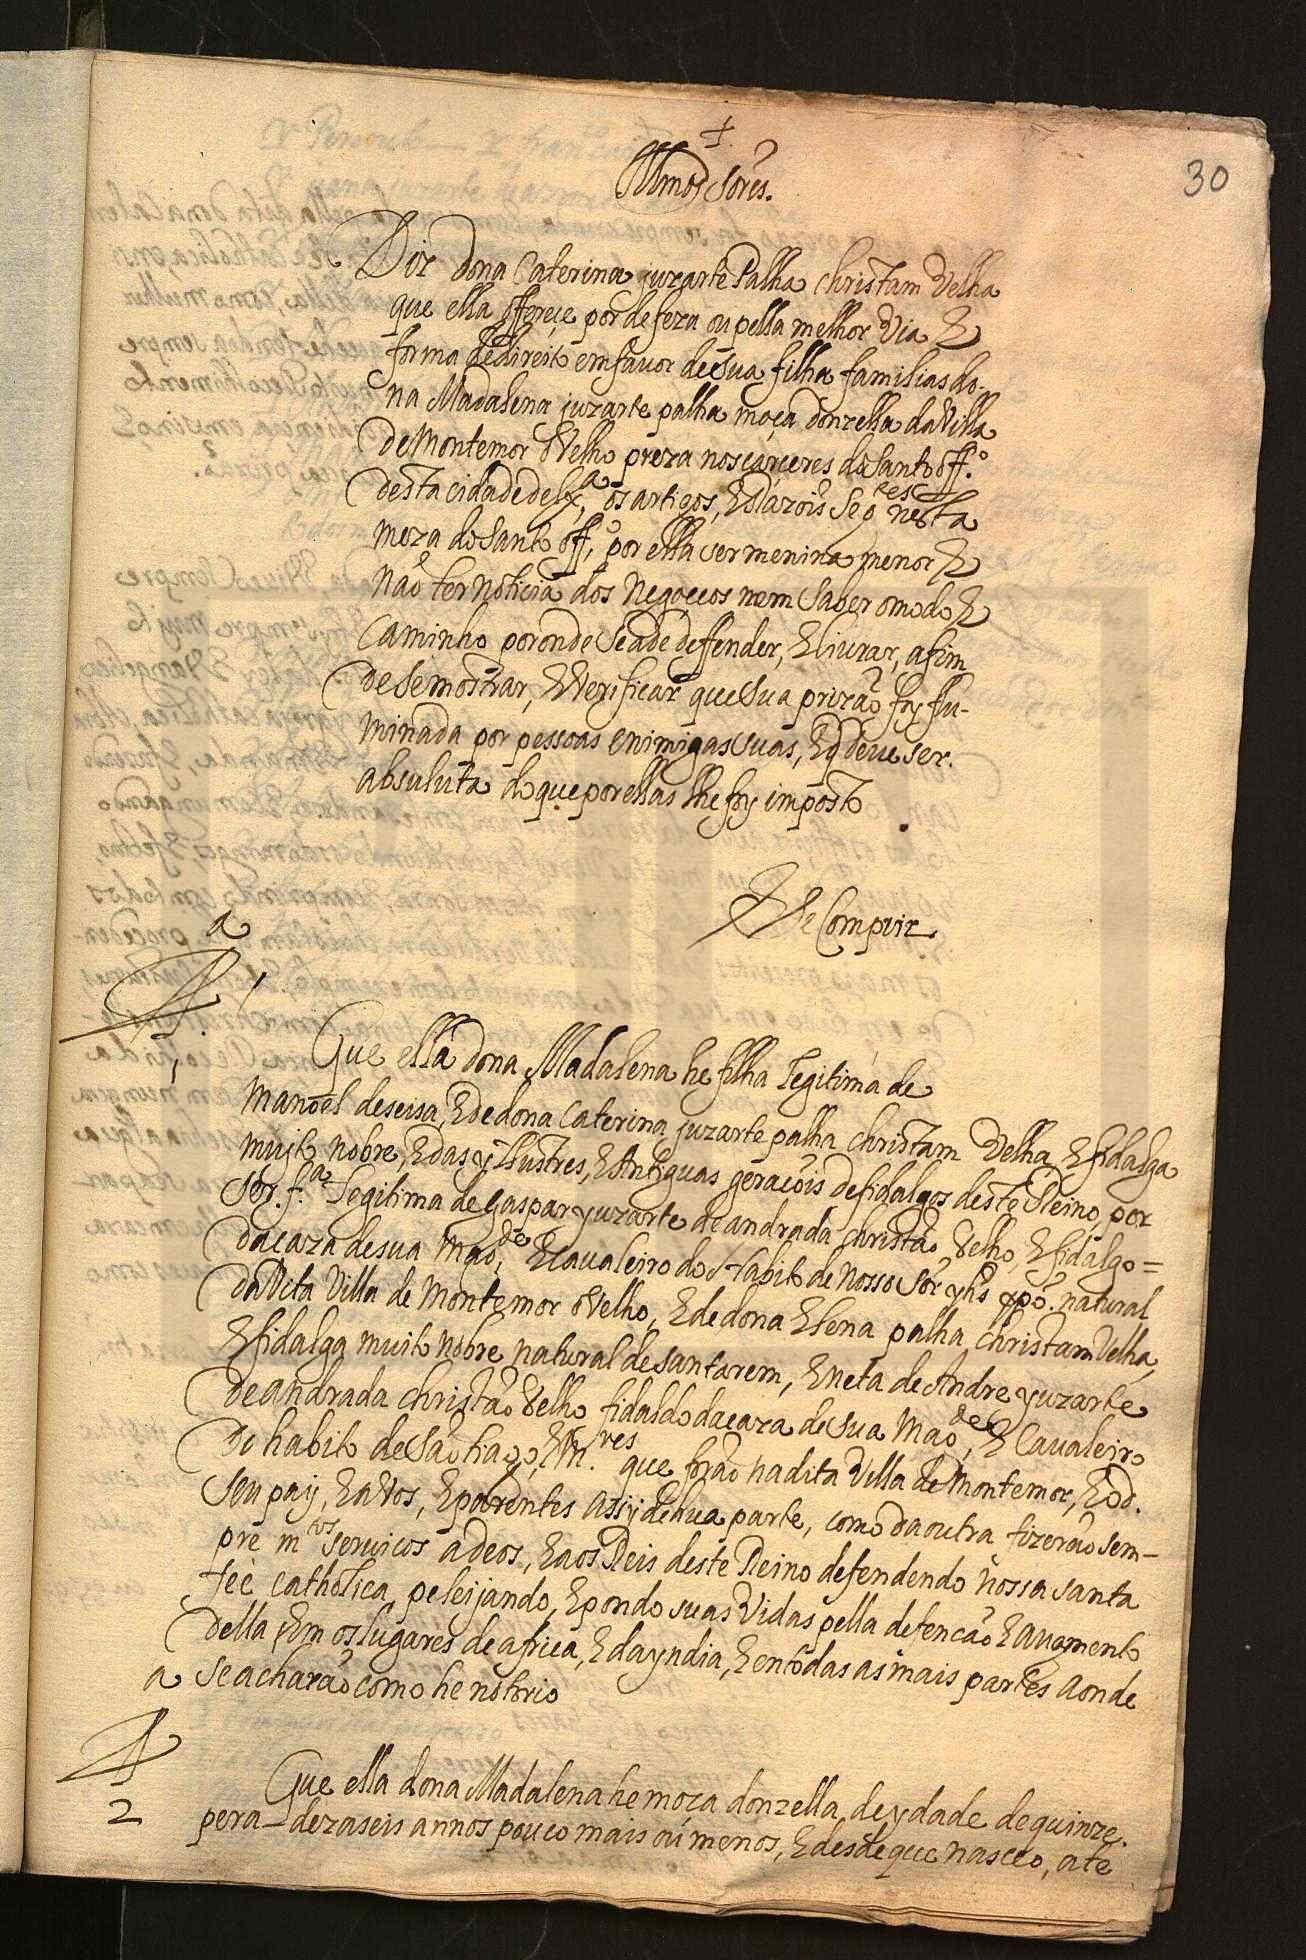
Ill̄mos Sorēs.
Diz dona Caterina juzarte Palha christam Velha
que ella offerece por defeza ou pella melhor Via E
forma de direito em fauor de sua filha familiar do
na Madalena juzarte palha moça donzella da Villa
de montemor o Velho preza nos carceres do Santo off.o
desta cidade de lxa, os artigos, E Razoīs segtes nesta
meza do santo offo, por ella ser menina menor E
não ter noticia dos negoceos nem saber o modo E
caminho por onde se ade deffender, E liurar, a fim
de se mostrar, E Verificar que sua prizão foy flu
minada por pessoas enimigas suas, E q̄ deue ser
absuluta do que por ellas lhe foy imposto
E se Comprir
P.a
Que ella dona Madalena he filha legitima de
manoel de seisa, E de dona caterina juzarte palha christam Velha, E fidalga
mujto nobre, E das yllustres, E Antiguas geraçõis de fidalgos deste Reino, por
ser f.a legitima de gaspar yuzarte de andrada christão Velho, E fidalgo
da caza de sua mag.de E caualeiro do Habito de nosso sōr yho xpō natural
da dita Villa de montemor o Velho, E de dona Elena palha christam Velha,
E fidalga muito nobre natural de santarem, E neta de Andre yuzarte
de andrada christão Velho fidaldo da caza de sua Magde, E Caualeiro
do habito de Saõtiago, E m.res que forão na dita Villa de montemor, E o d.
Seu pay, E avos, E parentes assy de hua parte, como da outra fizerão sem
pre mtos seruiços a deos, E aos Reis deste Reino defendendo nossa santa
feè catholica, peleijando, E pondo suas Vidas pella defenção E augmento
della, Em os lugares de africa, E da yndia, E en todas as mais partes aonde
se acharaõ como he notorio
P.a
Que ella dona Madalena he moça donzella de ydade de quinze
2
pera dezaseis annos pouco mais ou menos, E desde que nasceo, ate
